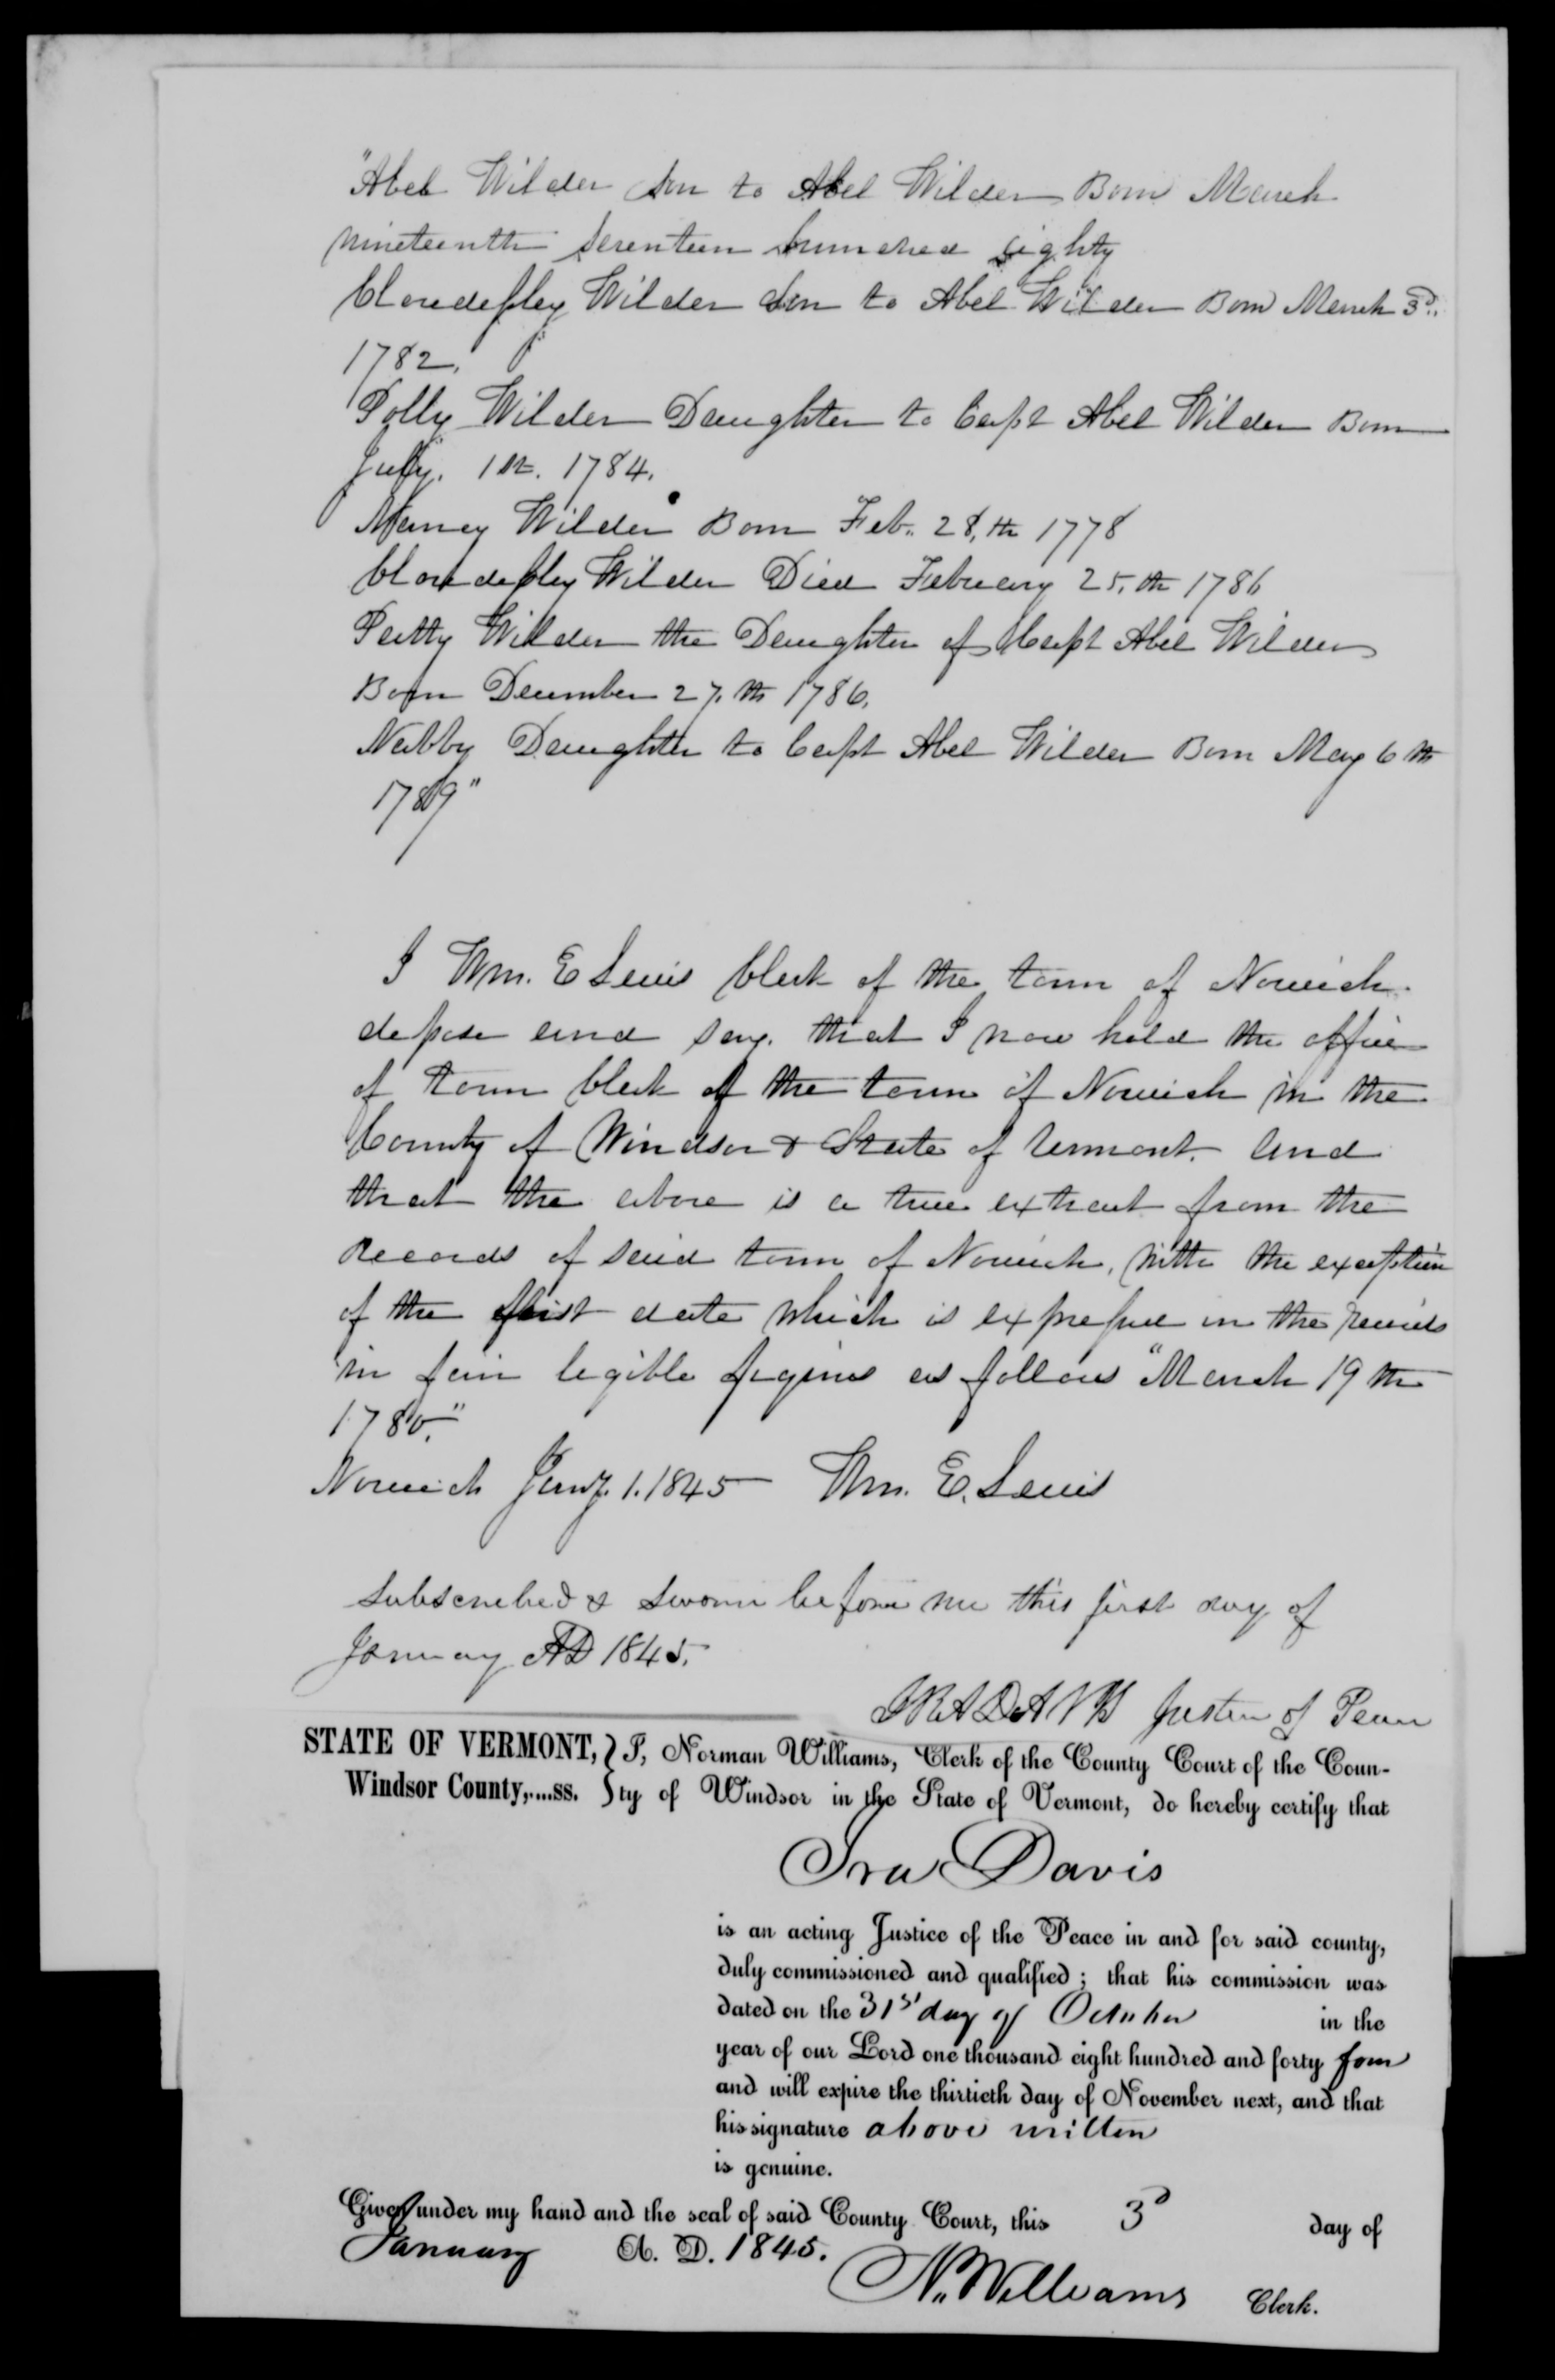Abel Wilder Son to Abel Wilder Born March
Nineteenth Seventeen hundred eighteen
Cloudepley Wilder Son to Abel Wilder Born March 3d
1782
Polly Wilder Daughter to Cpt Abel Wilder  born
July 1st 1784
Nancy Wilder Born Feb 28th 1778
Cloudepley Wilder Died February 25th 1786
Patty Wilder the Daughter of Capt Abel Wilder
Born December 27th 1786
Nabby Daughter to Capt Abel Wilder Born May 6th
1789 

I WM. E [ ] Clerk of the town of Norwich
depose and say that I now hold the office
of town clerk of the town of Norwich in the 
County of Windsor and State of Vermont. And 
that the above is a true excerpt from the 
Records of service town of Norwich, with the exception of  
of the first date which is [ ] in the records 
in fair legible [figures] and follows “ March 19th
1780.”
Norwich July 1. 1845 Wm. E. [ ]

Subscribed and sworn before me this first day of January AD 1845,
IRA DAVIS Justice of Peace

[inserted certificate]
I, Norman Willians, Clerk of the County Court of the County of Windsor in the State of Vermont, do hereby certify that 
[handwritten] Ira Davis [print] Is an acting Justice of the Peace in and for said county, duly commissioned and qualified; that his commission was dated on the [handwritten] 31st Day of October [print] in the year of our Lord one thousand eight hundred and forty [handwritten] four [print] and will expire the thirtieth day of November next, and that his signature [handwritten] above written [print] is genuine.
Given under my hand and the seal of said County Court, this [handwritten] 3d [print] day of [handwritten] January [print] AD [handwritten] 1845
[handwritten] N. Williams [print] Clerk.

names: Nancy Wilder, Abel Wilder, Polly Wilder, Patty Wilder, Cloudesley Wilder, Nabby, Wm E Leuis, Norman Williams, Ira Davis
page: 6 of 40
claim: widow's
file: W. 18,426, Abel Wilder, Mass. N.H. Vt.